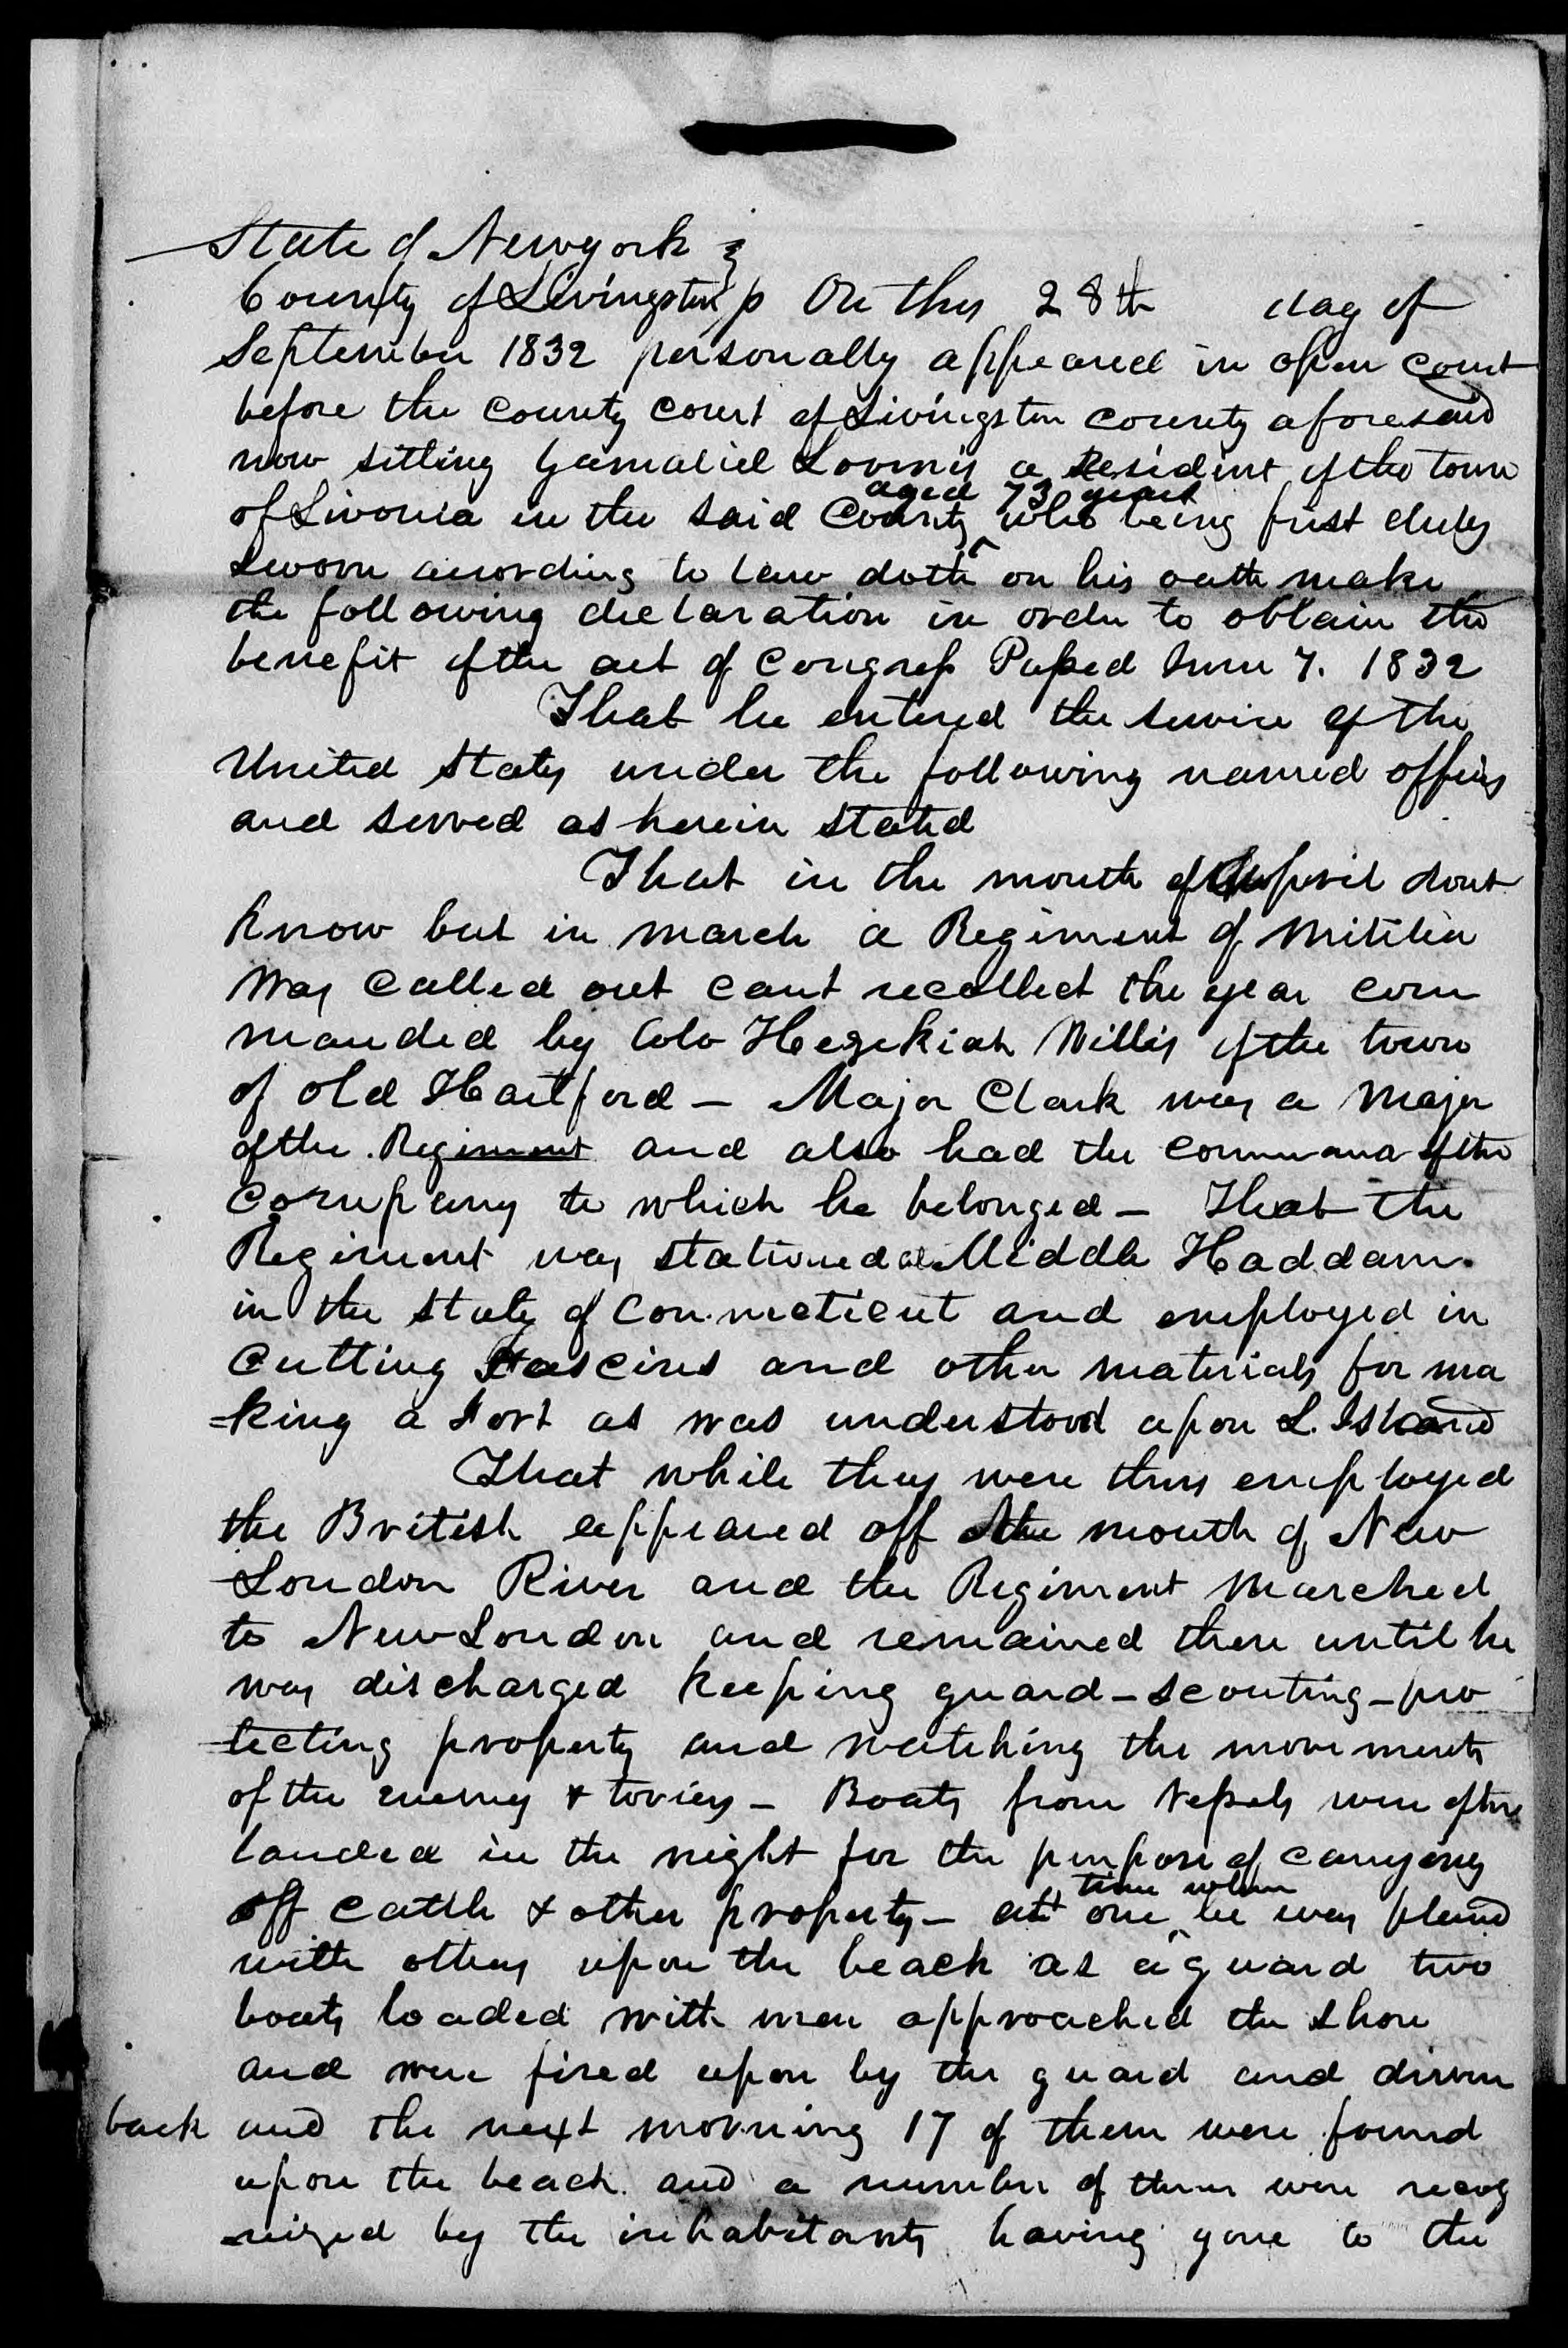State of New York
County of Livingston On this 28th day of September 1832 personally appeared in open court before the County Court of Livingston County aforesaid now sitting Gamaliel Loomis a resident of the town of Livonia in the said County ^ aged 73 years who being first duly sworn according to law doth on his oath make the following declaration in order to obtain the benefit of the Act of Congress passed June 7, 1832.
That he entered the service of the United States under the following named officers and served as herein stated
That in the month of April don't know but in March a Regiment of Militia was called out can't recollect the year commanded by Colo Hezekiah Willis of the town of old Hartford - Major Clark was a major of the Regiment and also had the command of the company to which he belonged - That the Regiment was stationed at Middle Haddam in the state of Connecticut and employed in cutting [illegible] and other materials for making a Fort and was understood 
That while they were thus employed the British appeared off the mouth of New London River and the Regiment marched to New London and remained there until he was discharged keeping guard - scouting - protecting property and watching the movements of the enemy & Tories - Boats from Nepals were often landed in the night for the purpose of carrying off cattle & other property - One ^ time when he was placed with others upon the beach as a guard two boats loaded with men approached the shore and were fired upon by the guard and driven back and the next morning 17 of them were found upon the beach and a number of them were recognized by the inhabitants having gone to the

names: [BLANK] Clark; Hezekiah Willis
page: 7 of 21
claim: rejected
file: R. 6444, for Gamaliel Loomis, Connecticut